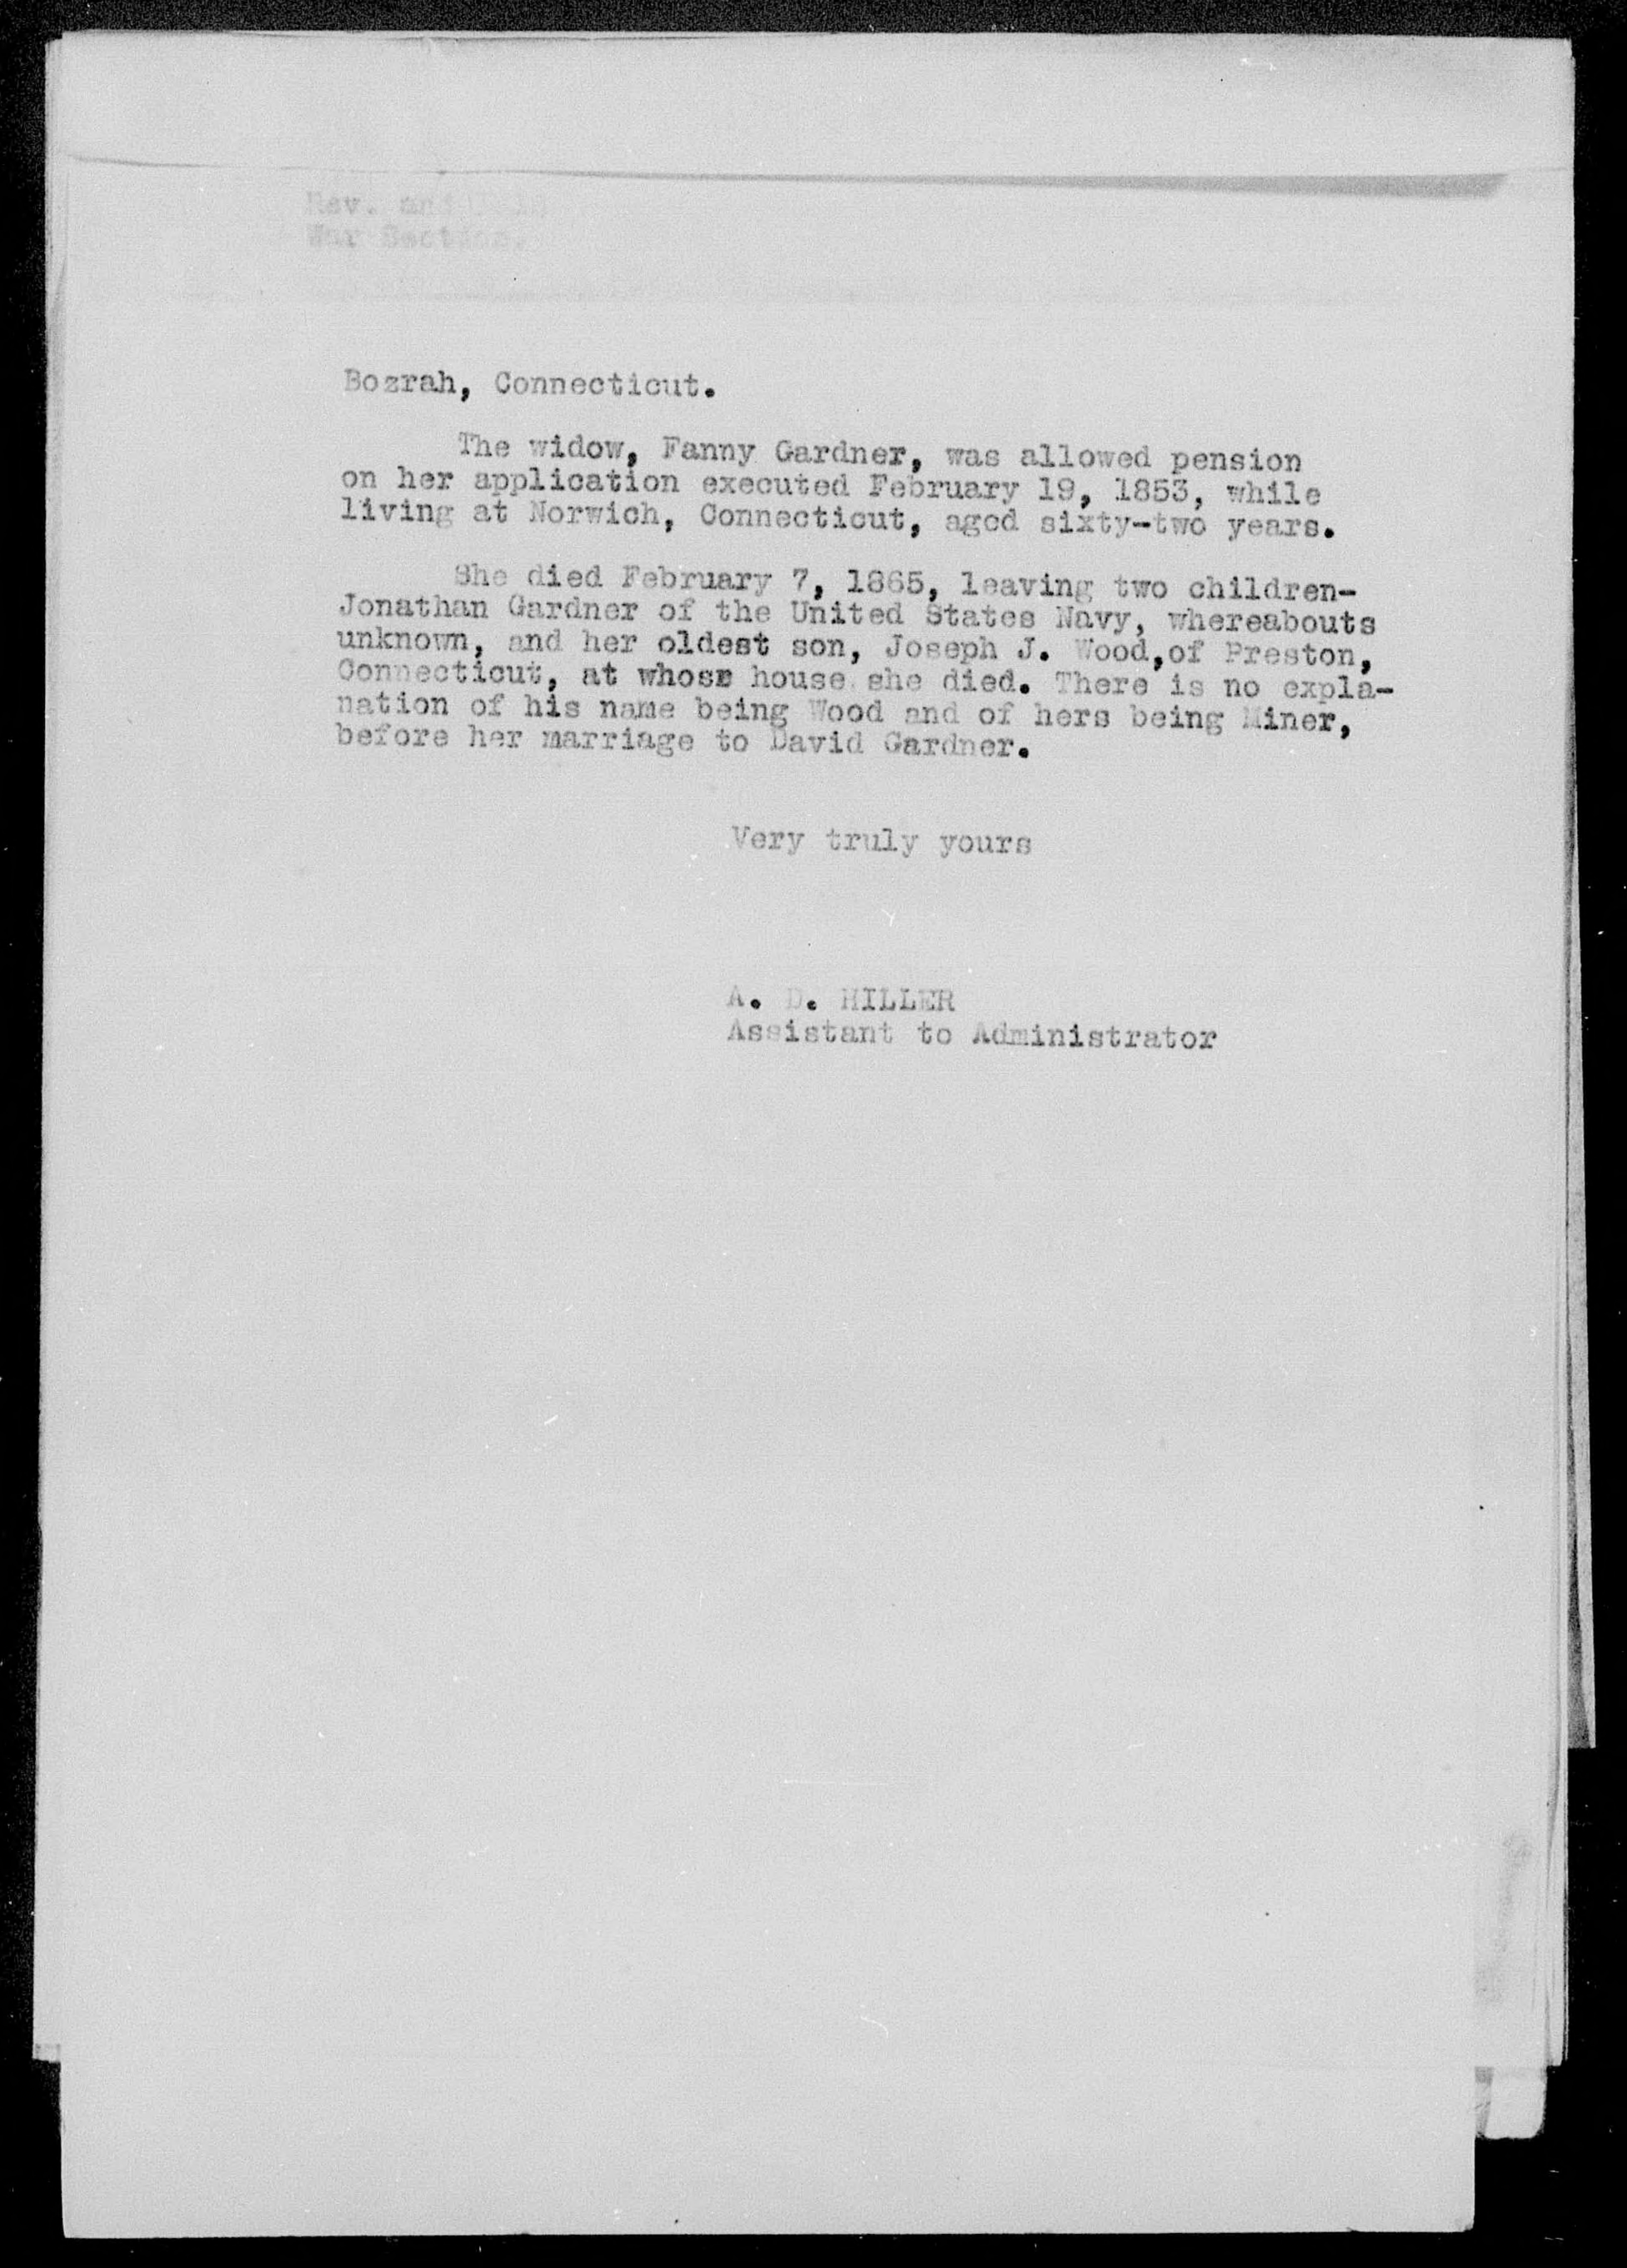Rev. and 1812
War Section,



Bozrah, Connecticut.

The widow, Fanny Gardner, was allowed pension on her application executed February 19, 1853 while living at Norwich, Connecticut, aged sixty-two years.

She died February 7, 1865, leaving two children-Johnathan Gardner of the United Stated Navy, whereabouts unknown, and her oldest son, Joseph J. Wood, of Preston , Connecticut,at whose house she died. There is no explanation of his name being Wood and of hers being Miner, before her marriage to David Gardner.

Very truly yours


A.D. HILLER
Assistantant to Administrator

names: Miner, David Gardner, Wood, A D Hiller, Jonathan Gardner, Fanny Gardner, Joseph J Wood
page: 28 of 66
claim: widow's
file: W 1850, David Gardner, Conn.